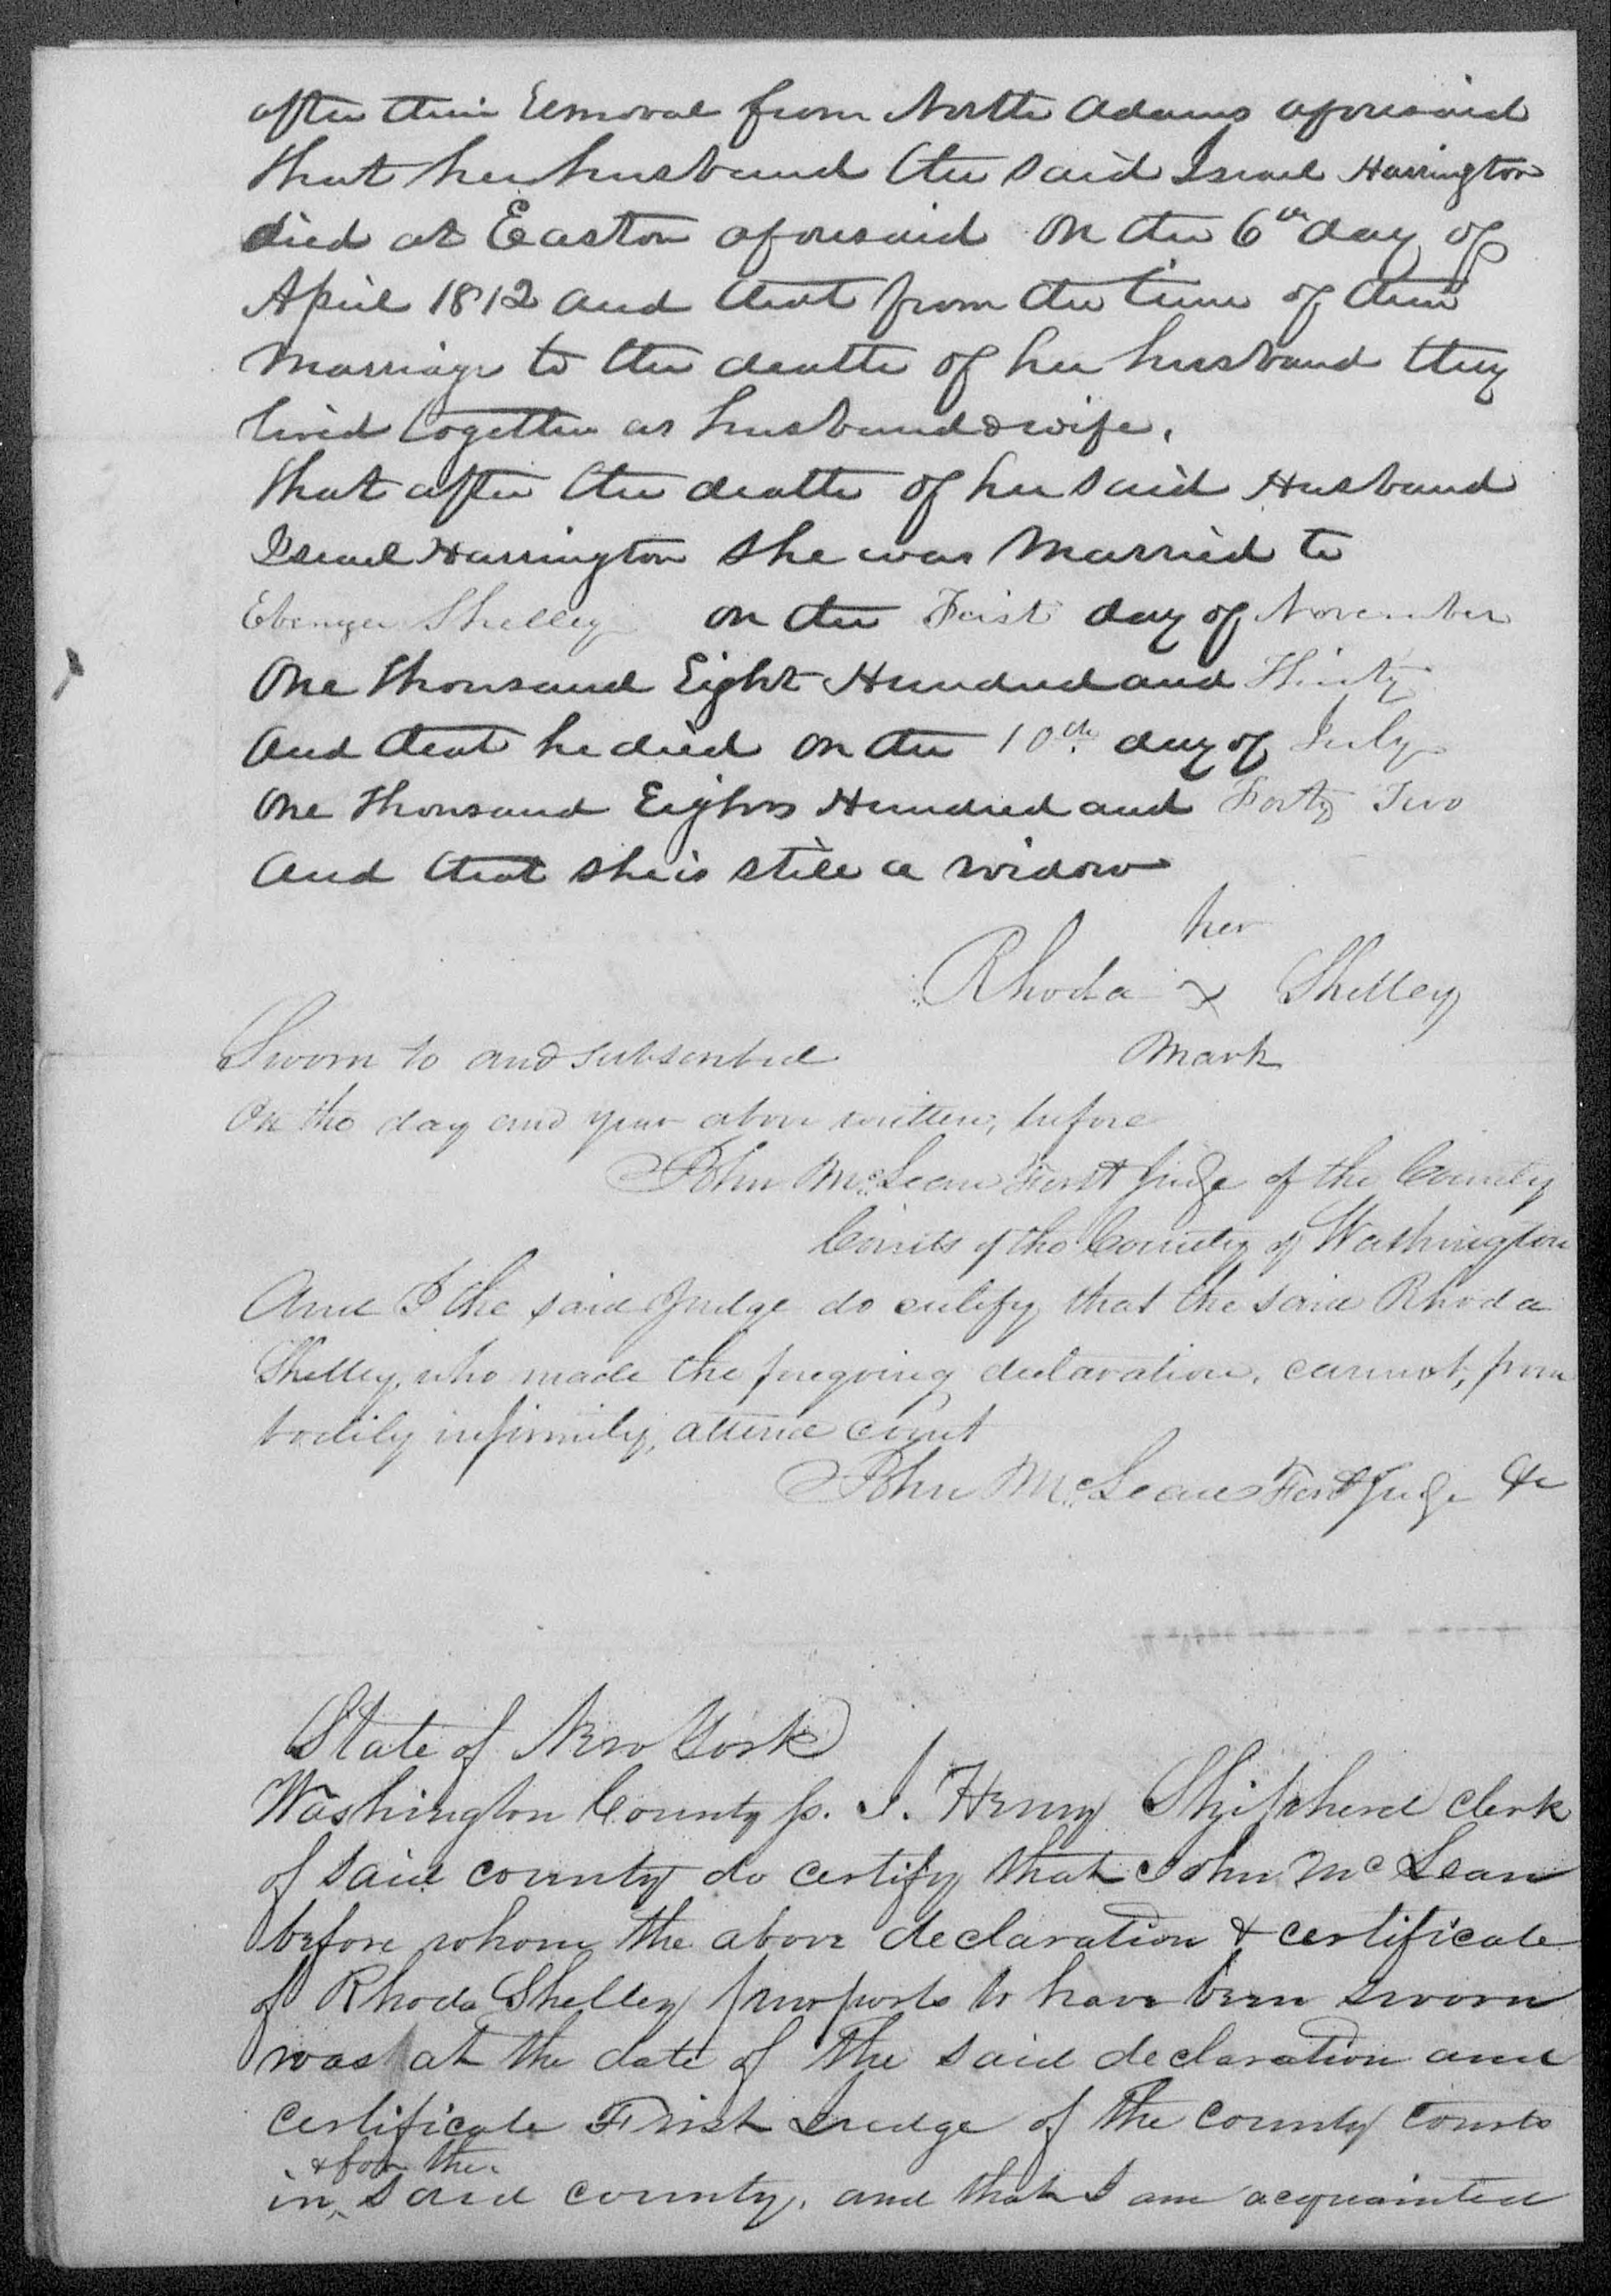after their removal from North Adams aforesaid that her husband the said Israel Harrington died at Easton aforesaid on the 6th day of April 1812 and that from the time of their marriage to the death of her husband they lived together as husband & wife.

That after the death of her said Husband Israel Harrington she was married to Ebenezer Shelley on the First day of November One Thousand Eight Hundred and Thirty and that he died on the 10th day of July One Thousand Eight Hundred and Forty Two and the she is still a widow.

Rhoda Shelley
x her mark


Sworn to and subscribed on the day and year above written, before
John Mc Lean First Judge of the County Courts of the County of Washington

And I the said Judge do certify that the said Rhoda Shelley who made the foregoing declaration, cannot, from bodily infirmity, attend court
John McLean First Judge Jc


State of New York
Washington County Ss. I, Henry Shipherd clerk of said county do certify that John McLean before whom the above declaration & certificate of Rhoda Shelley purports to have been sworn was at the date of the said declaration and certificate First Judge of the County Courts in & for the said county, and that I am acquainted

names: John Mc Lean, Rhoda Shelley, Israel Harrington, Henry Shipherd, Rhoda Shelley, Ebenezer Shelley, Rhoda Shelley, John Mc Lean, Israel Harrington, John Mc Lean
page: 6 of 51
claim: widow's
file: W. 19,026, Israel Harrington, R.I.